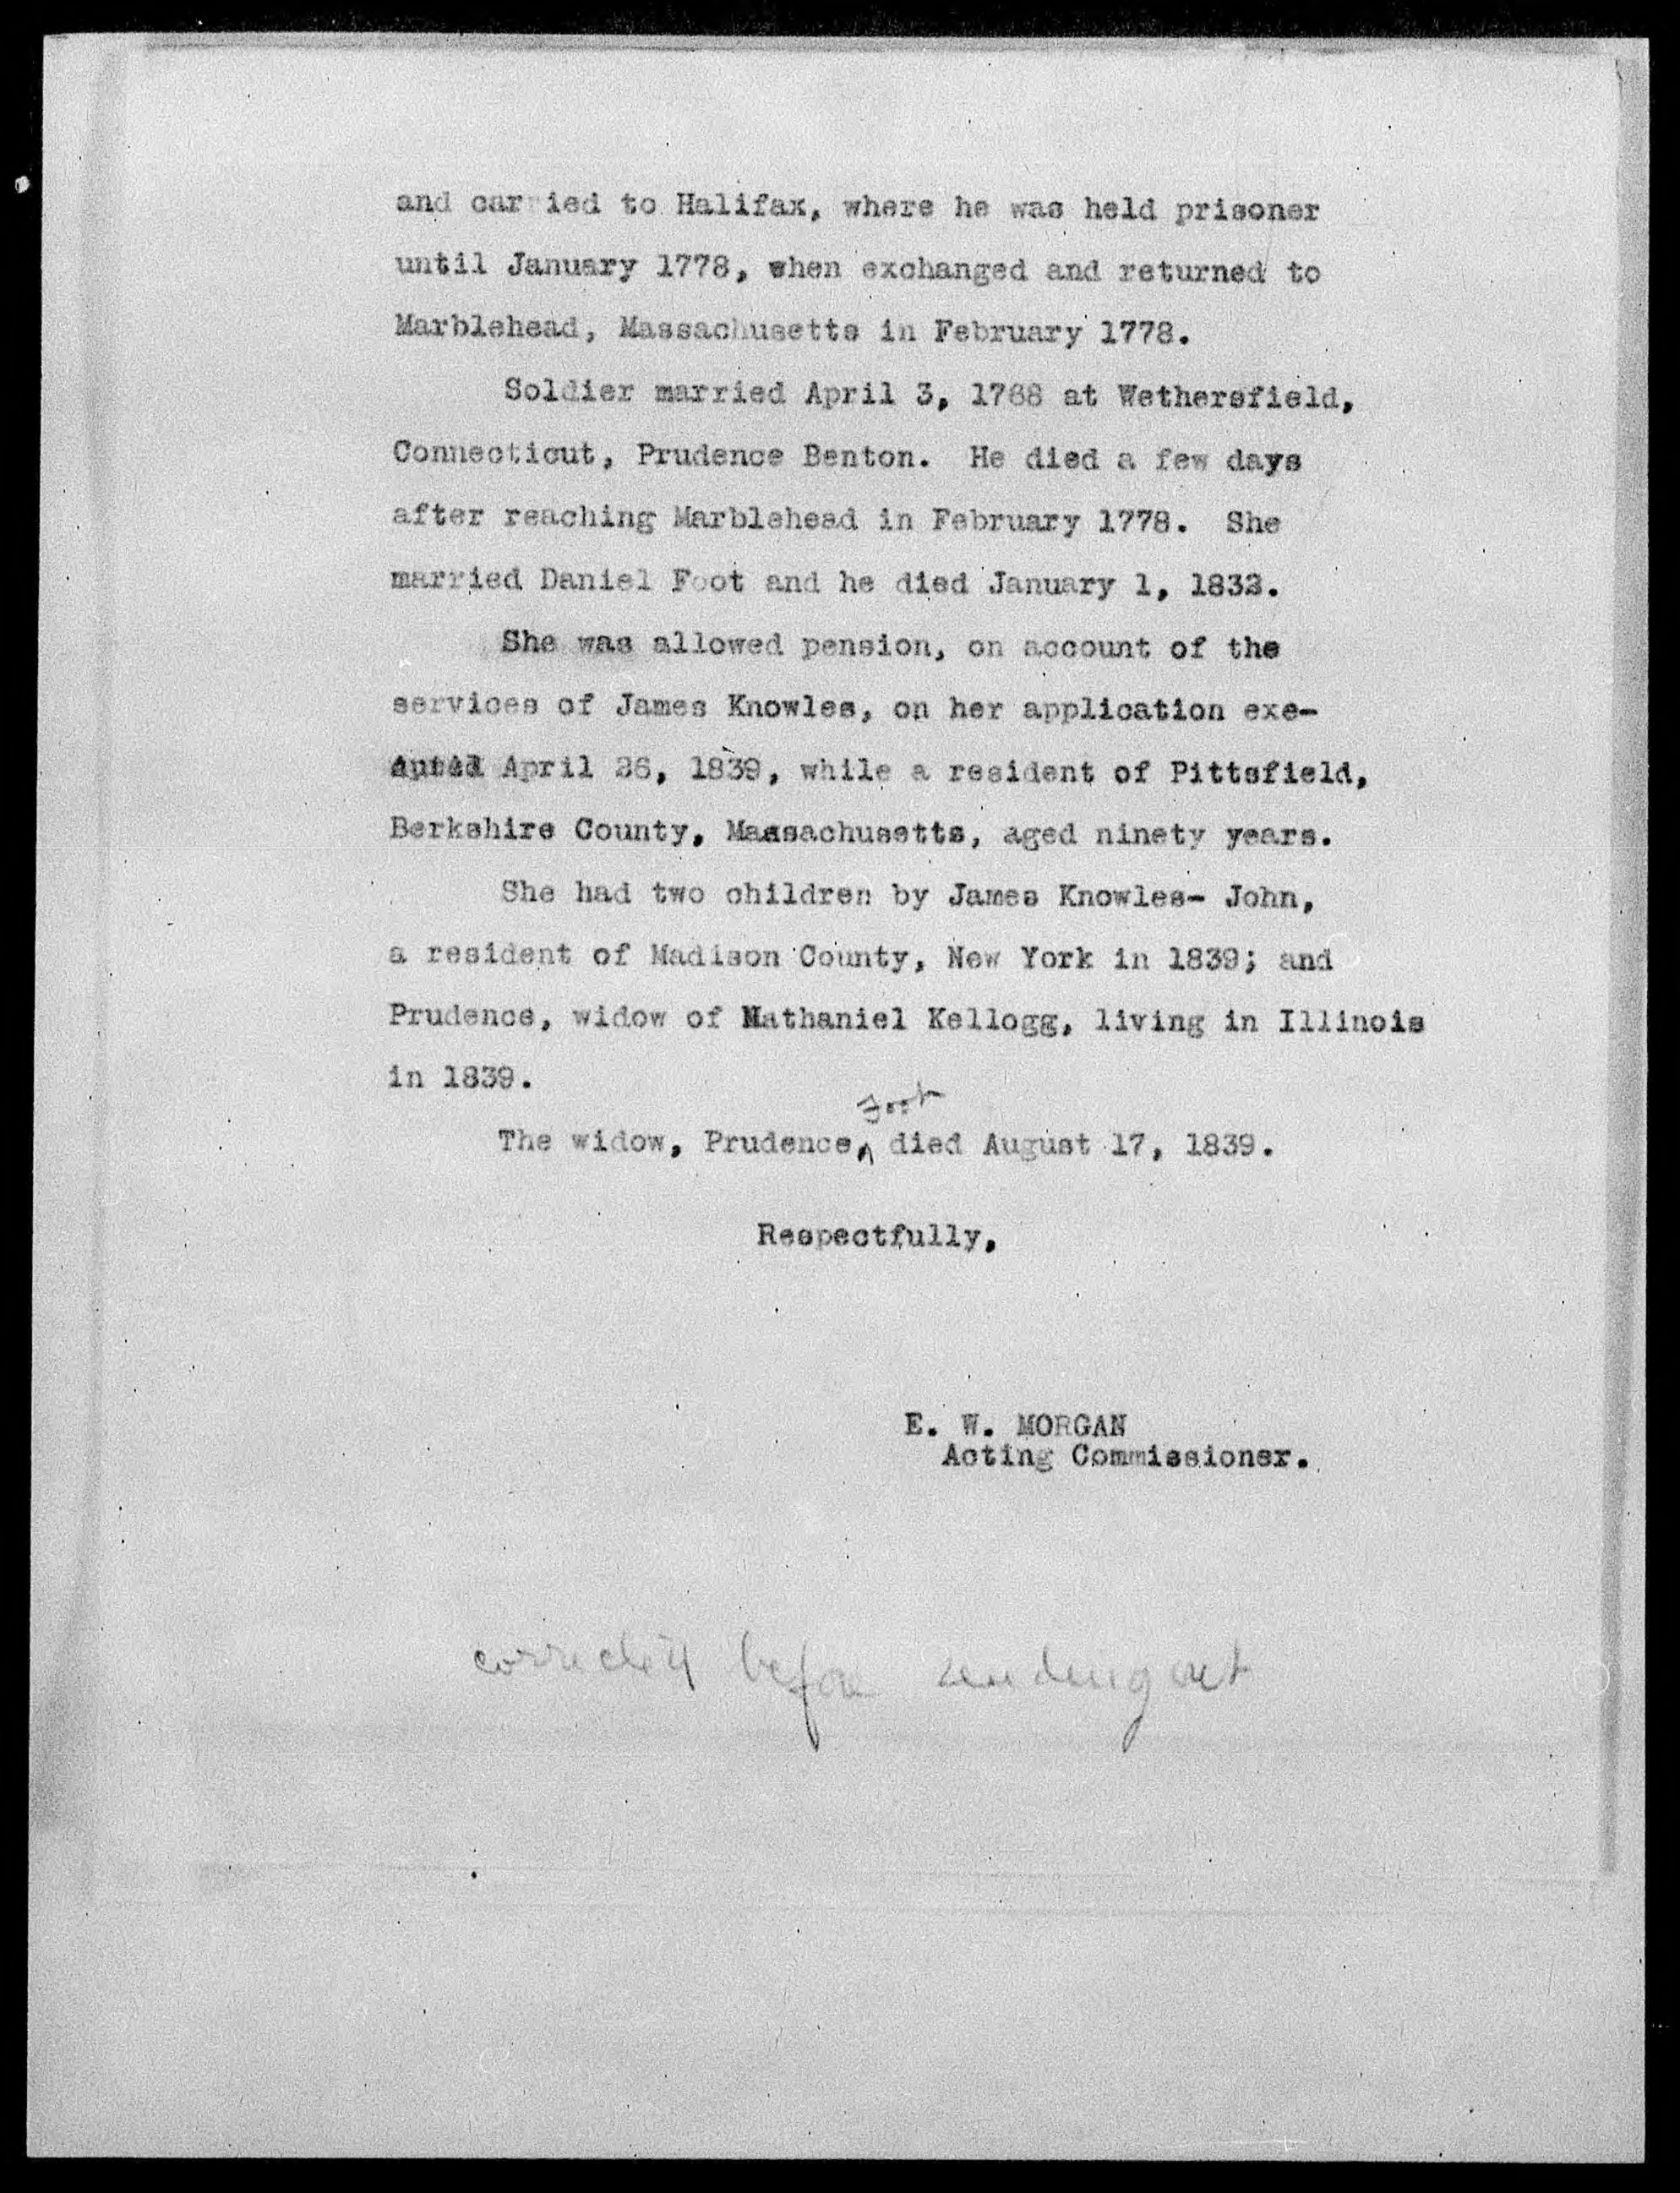and carried to Halifax, where he was held prisoner until January 1778, when exchanged and returned to Marblehead, Massachusetts in February 1778.
Soldier married April 3, 1768 at Wethersfield, Connecticut, Prudence Benton.  He died a few days after reaching Marblehead in February 1778. She married Daniel Foot and he died January 1, 1832.
She was allowed pension, on account of the services of James Knowles, on her application executed April 26, 1839, while a resident of Pittsfield, Berkshire County, Massachusetts, age ninety years.
She had two children by James Knowles--John, a resident of Madison County, New York in 1839; and Prudence, widow of Nathaniel Kellogg, living in Illinois in 1839.
The widow, Prudence Foot died August 17, 1839.

Respectfully,  E. W. Morgan
Acting Commissioner.

corrected  before sending out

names: Prudence Benton; John [BLANK]; James Knowles; E W Morgan; Nathaniel Kellogg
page: 16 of 60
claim: widow's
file: W. 14,036, for James Knowles, Connecticut